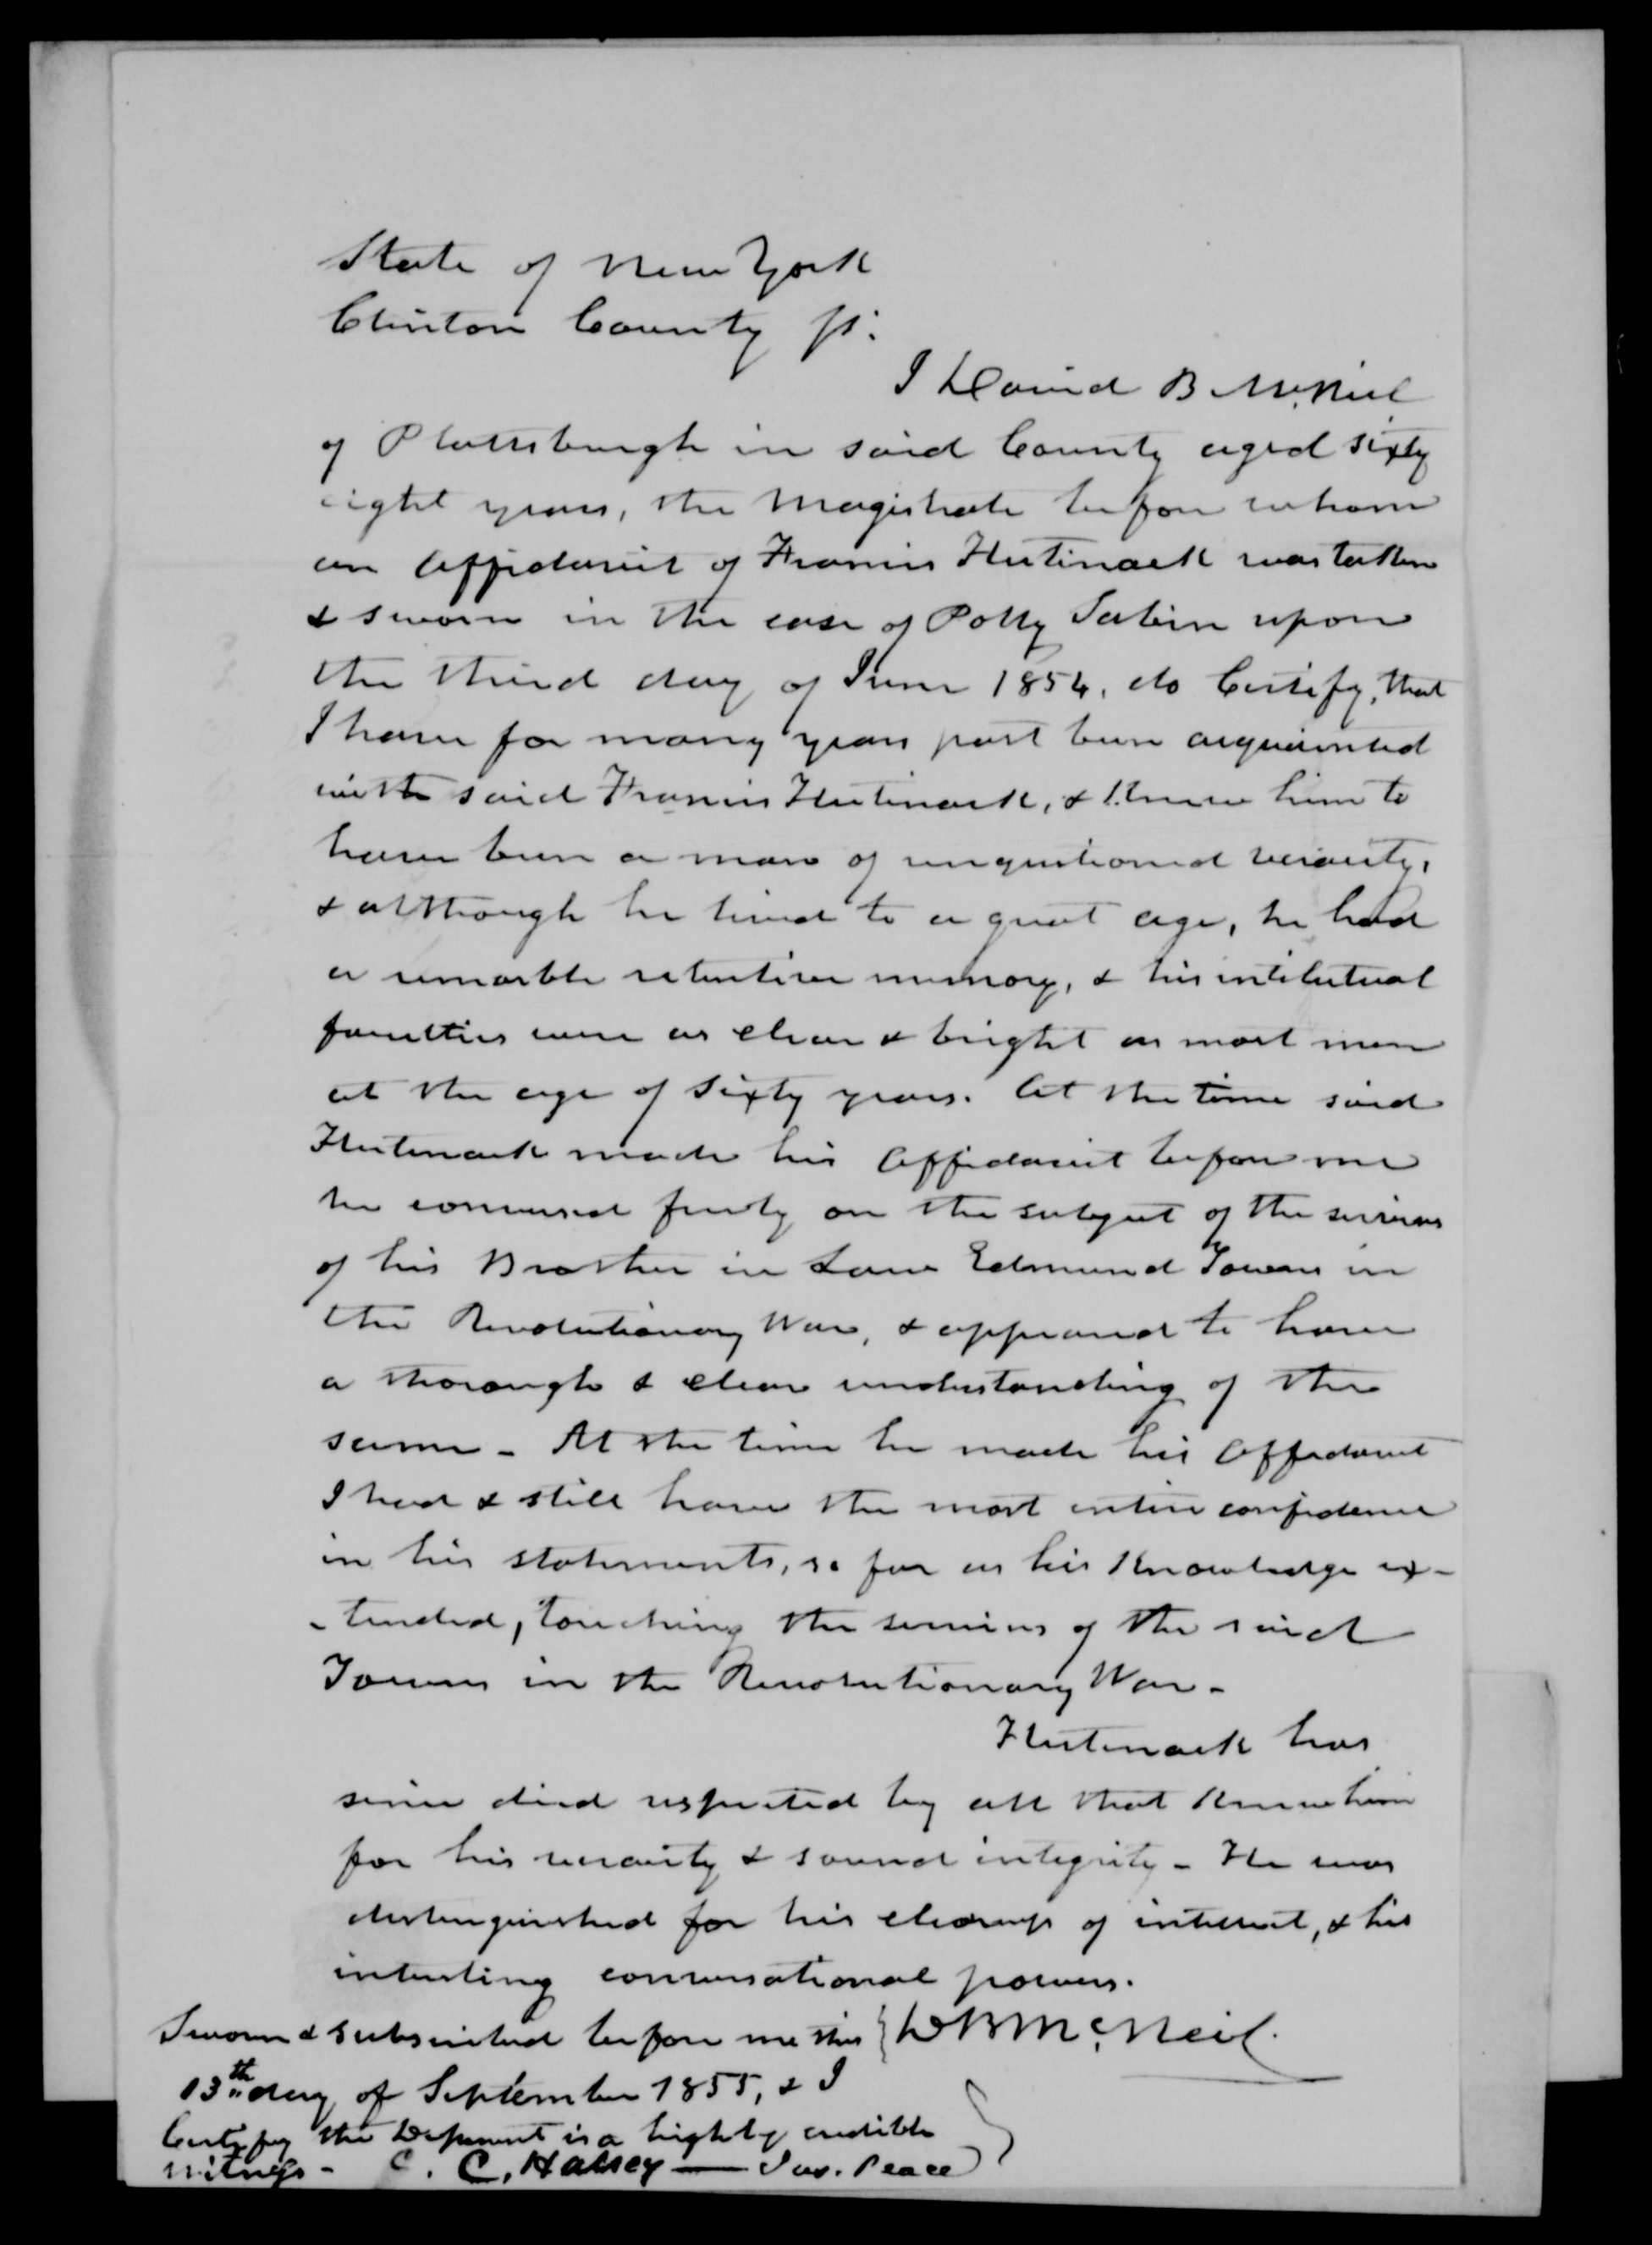State of New York
Clinton County Ss:

I David B. McNiel of Plattsburgh in said County aged sixty eight years, the magistrate before whom an affidavit of Francis Hutinack was taken & sworn in the case of Polly Sabin upon the third day of June 1854, do Certify that I have for many years past been acquainted with said Francis Hutinack & believe him to have been a man of unquestioned veracity & although he lived to a great age, he had a remarkable retention memory & his intelectual qualities were as clear & bright as most men at the age of sixty years. At the time said Hutinack made his affidavit before me his comment (illegible) on the subject of the services of his Brother in Law Edmund Town in the Revolutionary War & appeared to have a thorough & clear understanding of the same. At the time he made his affidavit I have & still have the most entire confidence in his statements so far as his knowledge extended, touching the services of the said Town in the Revolutionary War. 
Hutinack has since died respected by all that knew him for his veracity & sound integrity. He was distinguished for his (illegible) & his interesting conversational powers.
D. B. McNeil

Sworn & subscribed before me this 13th day of September 1855, & I certify that deponent is a highly credible witness. 
C. C. Halsey Jus. Peace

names: Polly Sabin, Hutinack, Edmund Town, C Halsey, Francis Hutinack, Hutinack, D B Mc Neil, Francis Hutinack, David B Mc Niel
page: 49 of 64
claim: widow's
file: W. 5831, Edmund Town, Mass.